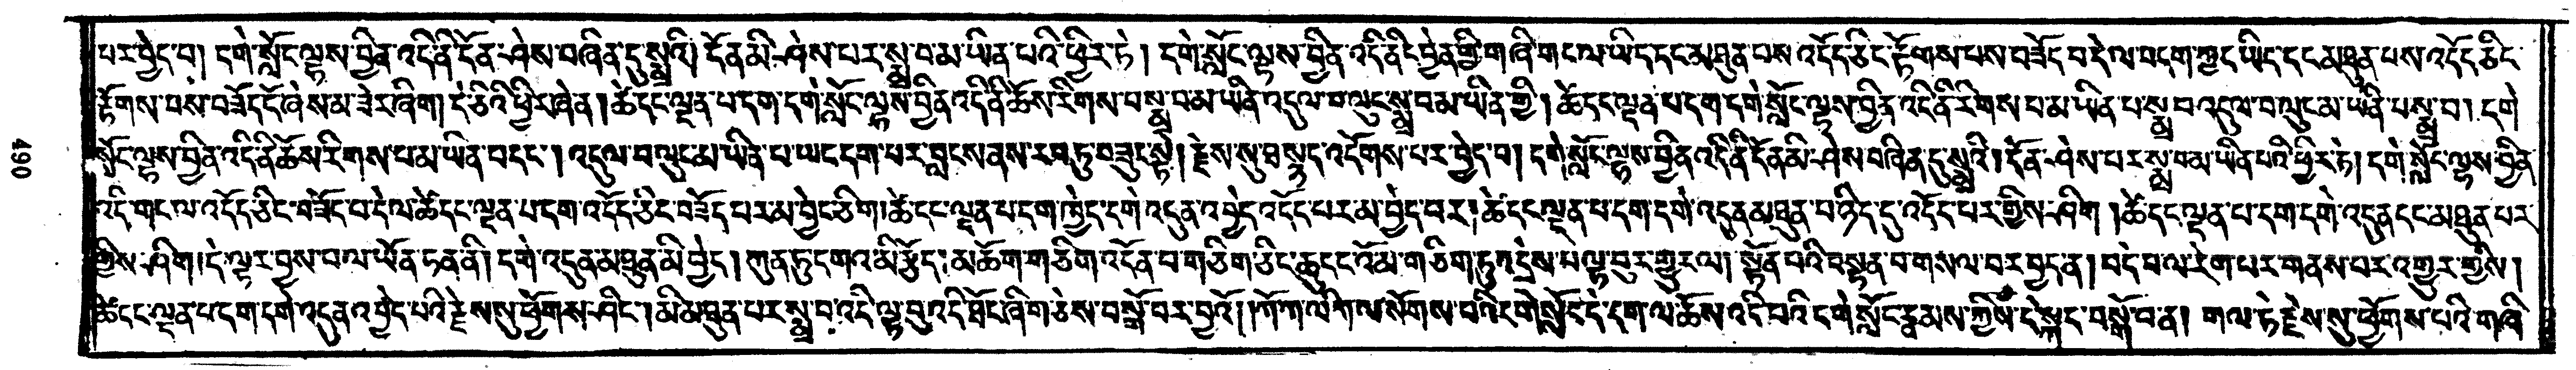པར་བྱེད་པ། དགེ་སློང་ལྷས་བྱིན་འདི་ནི་དོན་ཤེས་བཞིན་དུ་སྨྲའི། དོན་མི་ཤེས་པར་སྨྲ་བ་མ་ཡིན་པའི་ཕྱིར་ཏེ། དགེ་སློང་ལྟས་བྱིན་འདི་ནི་དབྱེན་གྱི་གཞི་གང་ལ་ཡིད་དང་མཐུན་པས་འདོད་ཅིང་རྟོགས་པས་བཟོད་པ་དེ་ལ་བདག་ཀྱང་ཡིད་དང་མཐུན་པས་འདོད་ཅིང་
རྟོགས་པས་བཟོད་དོ་ཞེས་མ་ཟེར་ཞིག། དེ་ཅིའི་ཕྱིར་ཞེ་ན། ཚེ་དང་ལྡན་པ་དག་དགེ་སློང་ལྟས་བྱིན་འདི་ནི་ཆོས་རིགས་པ་སྨྲ་བ་མ་ཡིན་འདུལ་བ་ལུང་སྨྲ་བམ་ཡིན་གྱི། ཆོ་དང་ལྡན་པ་དག་དགེ་སློང་ལྟས་བྱིན་འདི་ནི་རིགས་པ་མ་ཡིན་པ་སྨྲ་བ་འདུལ་བ་ལུང་མ་ཡིན་པ་སྨྲ་བ། དགེ་
སློང་ལྷས་བྱིན་འདི་ནི་ཆོས་རིགས་པ་མ་ཡིན་པ་དང་། འདུལ་བ་ལུང་མ་ཡིན་པ་ཡང་དག་པར་བླངས་ནས་རབ་ཏུ་བཟུང་སྟེ། རྗེས་སུ་ཐ་སྙད་འདོགས་པར་བྱེད་བ། དགེ་སློང་ལྷས་བྱིན་འདི་ནི་དོན་མི་ཤེས་བཞིན་དུ་སྨྲའི། དོན་ཤེས་པར་སྨྲ་བ་མ་ཡིན་པའི་ཕྱིར་ཏེ། དགེ་སློང་ལྷས་བྱིན་
འདི་གང་ལ་འདོད་ཅིང་བཟོད་པ་དེ་ལ་ཚེ་དང་ལྡན་པ་དག་འདོད་ཅིང་བཟོད་པར་མ་བྱེད་ཅིག། ཚེ་དང་ལྡན་པ་དག་ཁྱེད་དགེ་འདུན་འབྱེད་འདོད་པར་མ་བྱེད་པར། ཚེ་དང་ལྡན་པ་དག་དགེ་འདུན་མཐུན་པ་ཉིད་དུ་འདོད་པར་གྱིས་ཤིག །ཚེ་དང་ལྡན་པ་དག་དགེ་འདུན་དང་མཐུན་པར་
གྱིས་ཤིག །དེ་ལྟར་བྱས་བ་ལ་ཡོན་ཏན་ནི། དགེ་འདུན་མཐུན་མི་བྱེད། ཀུན་ཏུ་དགའ་མི་རྩོད། མཆོག་གཅིག་འདོན་པ་གཅིག་ཅིང་ཆུ་དང་འོ་མ་གཅིག་ཏུ་འདྲེས་པ་ལྟ་བུར་གྱུར་ལ། སྟོན་པའི་བསྟན་པ་གསལ་བར་བྱད་ན། བདེ་པ་ལ་རེག་པར་གནས་པར་འགྱུར་གྱིས།
ཚེ་དང་ལྡན་པ་དག་དགེ་འདུན་འབྱེད་པའི་རྗེས་སུ་ཕྱོགས་ཤིང་། མི་མཐུན་པར་སྨྲ་བ་འདི་ལྟ་བུ་འདི་ཐོང་ཞིག་ཅེས་བསྒོ་བར་བྱའོ། །ཀོ་ཀ་ལི་ཀ་ལ་སོགས་པའི་དགེ་སློང་དེ་དག་ལ་ཆོས་འདི་བའི་དགེ་སློང་རྣམས་ཀྱིས་དེ་སྐང་བསྒོ་བ་ན། གལ་ཏེ་རྗེས་སུ་ཕྱོགས་པའི་གཞི་